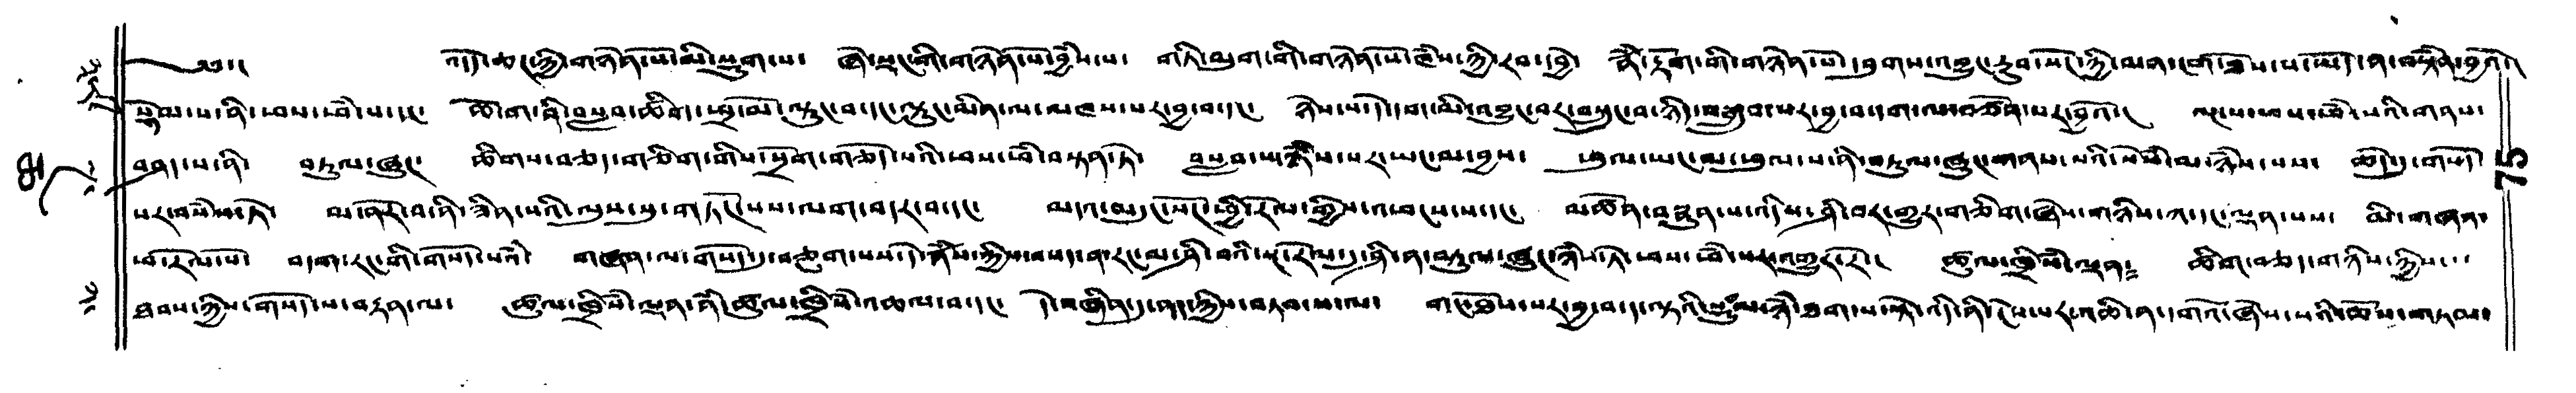འདོད་ཆགས་ཀྱི་གཉེན་པོ་མི་སྡུག་པ། ཞེ་སྡང་གི་གཉེན་པོ་བྱམས་པ། གཏི་མུག་གི་གཉེན་པོ་ཁམས་ཀྱི་རབ་དབྱེ།རྣམ་རྟོག་གི་གཉེན་པོ་དབུགས་འབྱིན་རྔུབ་སོགས་ཀྱི་མན་ངག་ཐོས་པ་ཡོད་ན་བསམ་གཏན་བྱའོ། 
སྡོམ་པ་ནི་ཕས་ཕམ་པ་དང་། ཆོ་ག་ནི་བསླབ་ཚིགས་ཕྲ་མོ་ལྟུང་བ་དང་ལྟུང་མིན་ལ་མཁས་པར་བྱ་བ་དང་། ཉེས་པ་དེ་དག་མི་འབྱུང་བར་བསྲུང་བ་ཉིད་བསྒྲུབ་པའི་བྱ་བ་དག་ལ་བཙོན་པར་བྱའོ། ལྔ་པ་ཕས་ཕམ་པའི་གནས་
བཤད་པ་ནི། བཏུལ་ཞུགས༴ ཚིགས་བཅད་གཅིག་གིས་སྲོག་གཅོད་པའི་ཕས་ཕམ་བསྟན་ཏེ། བསླབ་པ་ཉམས་པར་ཡང་མ་བྱས། ཕུལ་ཡང་མ་ཕུལ་པ་ནི་བརྟུལ་ཞུགས་ལ་གནས་པའི་སེམས་མ་ཉམས་པས། ཆེད་དུ་གསོད་
པར་བསམས་ཏེ། མ་ནོར་བ་ནི་ཟིན་པའི་ལུས་སུ་གཏོགས་པས་ལག་བདར་བ་དང་། མདའ་མདུང་སོགས་ཕྱི་རོལ་གྱིས་འཕངས་པ་དང་། མཚོན་བསྣུན་པ་འདིས་ཤི་བར་གྱུར་གཅིག་ཅེས་གཉིས་ཀ་དང་ལྡན་པས། མི་གཞན་
ཕ་རོལ་པོ་བདག་རང་གི་གསོད་པའམ། གཞན་ལ་གསོད་དུ་བཅུག་པས་དེ་རྣམས་ཀྱིས་བསད་ནས་རང་མ་ཤི་བའི་སྔ་རོལ་དུ་ཤི་ན་བཏུལ་ཞུགས་ཉམས་ཏེ་ཕས་ཕམ་པར་འགྱུར་རོ། ཚུལ་ཁྲིམས་ལྡན༴ ཚིགས་བཅད་གཉིས་ཀྱིས་
ཐབས་ཀྱིས་གསོད་པ་བསྟན་ལ། ཚུལ་ཁྲིམས་ལྡན་ནམ་ཚུལ་ཁྲིམས་འཆལ་བ་དང་། དེ་བཞིན་དུ་ནད་ཀྱིས་བཏབ་པ་ལ། གང་ཐོས་པར་བྱ་བ་ད་ལྟའི་སྡུག་བསྔལ་ཉམ་ཐག་པ་སྟེ་འདི་ནི་ངེས་པར་འཆི་ན་དགའོ་ཞེས་པའི་ཆོས་གཏམ་